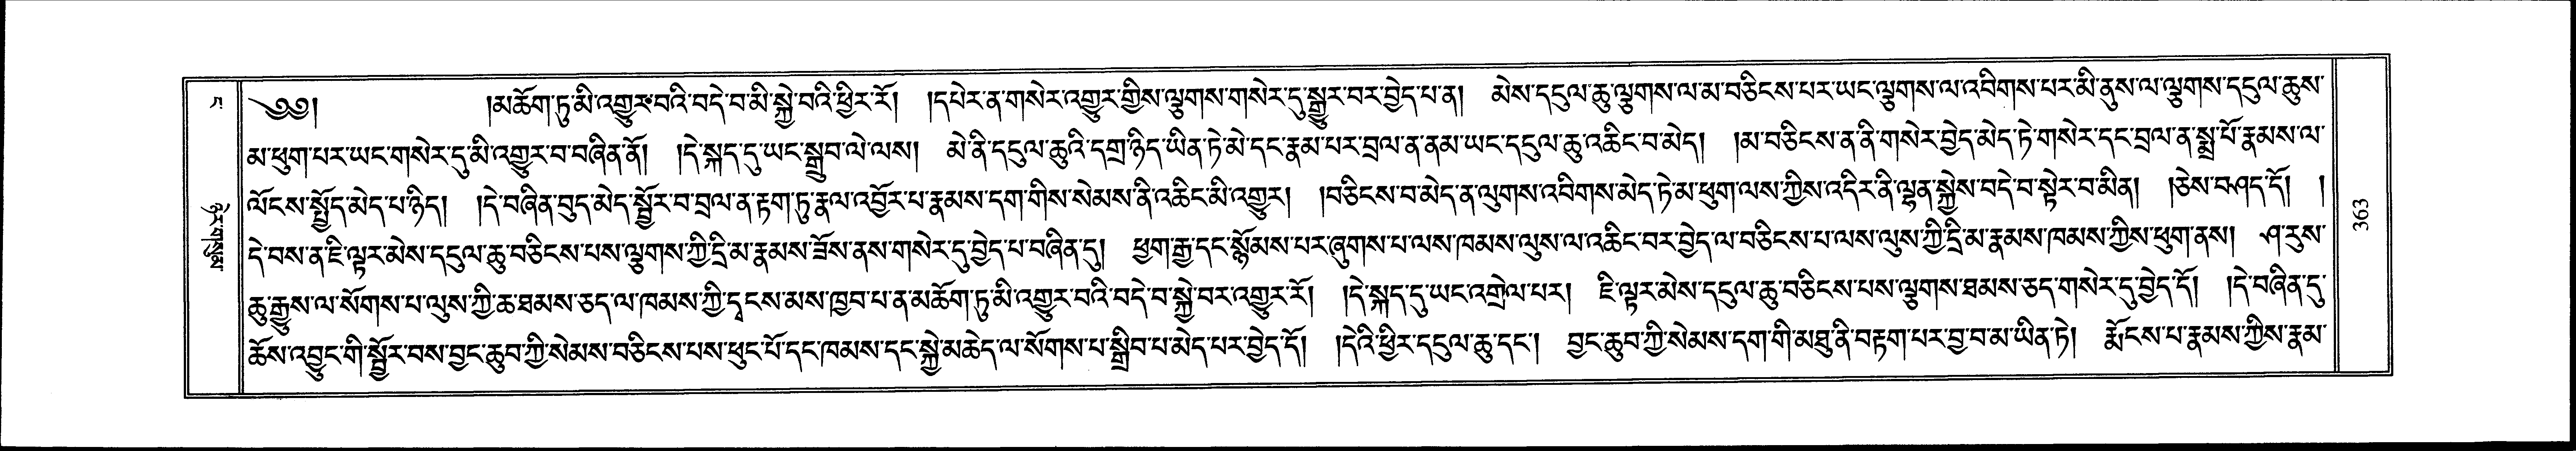༄༅། །མཆོག་ཏུ་མི་འགྱུར་བའི་བདེ་བ་མི་སྐྱེ་བའི་ཕྱིར་རོ། །དཔེར་ན་གསེར་འགྱུར་གྱིས་ལྕགས་གསེར་དུ་སྒྱུར་བར་བྱེད་པ་ན། མེས་དངུལ་ཆུ་ལྕགས་ལ་མ་བཅིངས་པར་ཡང་ལྕགས་ལ་འབིགས་པར་མི་ནུས་ལ་ལྕགས་དངུལ་ཆུས་
མ་ཕུག་པར་ཡང་གསེར་དུ་མི་འགྱུར་བ་བཞིན་ནོ། །དེ་སྐད་དུ་ཡང་སྒྲུབ་ལེ་ལས། མེ་ནི་དངུལ་ཆུའི་དགྲ་ཉིད་ཡིན་ཏེ་མེ་དང་རྣམ་པར་བྲལ་ན་ནམ་ཡང་དངུལ་ཆུ་འཆིང་བ་མེད། །མ་བཅིངས་ན་ནི་གསེར་བྱེད་མེད་ཏེ་གསེར་དང་བྲལ་ན་སྨྲ་པོ་རྣམས་ལ་
ལོངས་སྤྱོད་མེད་པ་ཉིད། །དེ་བཞིན་བུད་མེད་སྦྱོར་བ་བྲལ་ན་རྟག་ཏུ་རྣལ་འབྱོར་པ་རྣམས་དག་གིས་སེམས་ནི་འཆིང་མི་འགྱུར། །བཅིངས་བ་མེད་ན་ལུགས་འབིགས་མེད་ཏེ་མ་ཕུག་ལས་ཀྱིས་འདིར་ནི་ལྷན་སྐྱེས་བདེ་བ་སྟེར་བ་མིན། །ཅེས་བཤད་དོ། །
དེ་བས་ན་ཇི་ལྟར་མེས་དངུལ་ཆུ་བཅིངས་པས་ལྕགས་ཀྱི་དྲི་མ་རྣམས་ཟོས་ནས་གསེར་དུ་བྱེད་པ་བཞིན་དུ། ཕྱག་རྒྱ་དང་སྙོམས་པར་ཞུགས་པ་ལས་ཁམས་ལུས་ལ་འཆིང་བར་བྱེད་ལ་བཅིངས་པ་ལས་ལུས་ཀྱི་དྲི་མ་རྣམས་ཁམས་ཀྱིས་ཕུག་ནས། ཤ་རུས་
ཆུ་རྒྱུས་ལ་སོགས་པ་ལུས་ཀྱི་ཆ་ཐམས་ཅད་ལ་ཁམས་ཀྱི་དྭངས་མས་ཁྱབ་པ་ན་མཆོག་ཏུ་མི་འགྱུར་བའི་བདེ་བ་སྐྱེ་བར་འགྱུར་རོ། །དེ་སྐད་དུ་ཡང་འགྲེལ་པར། ཇི་ལྟར་མེས་དངུལ་ཆུ་བཅིངས་པས་ལྕགས་ཐམས་ཅད་གསེར་དུ་བྱེད་དོ། །དེ་བཞིན་དུ་
ཆོས་འབྱུང་གི་སྦྱོར་བས་བྱང་ཆུབ་ཀྱི་སེམས་བཅིངས་པས་ཕུང་པོ་དང་ཁམས་དང་སྐྱེ་མཆེད་ལ་སོགས་པ་སྒྲིབ་པ་མེད་པར་བྱེད་དོ། །དེའི་ཕྱིར་དངུལ་ཆུ་དང་། བྱང་ཆུབ་ཀྱི་སེམས་དག་གི་མཐུ་ནི་བརྟག་པར་བྱ་བ་མ་ཡིན་ཏེ། རྨོངས་པ་རྣམས་ཀྱིས་རྣམ་